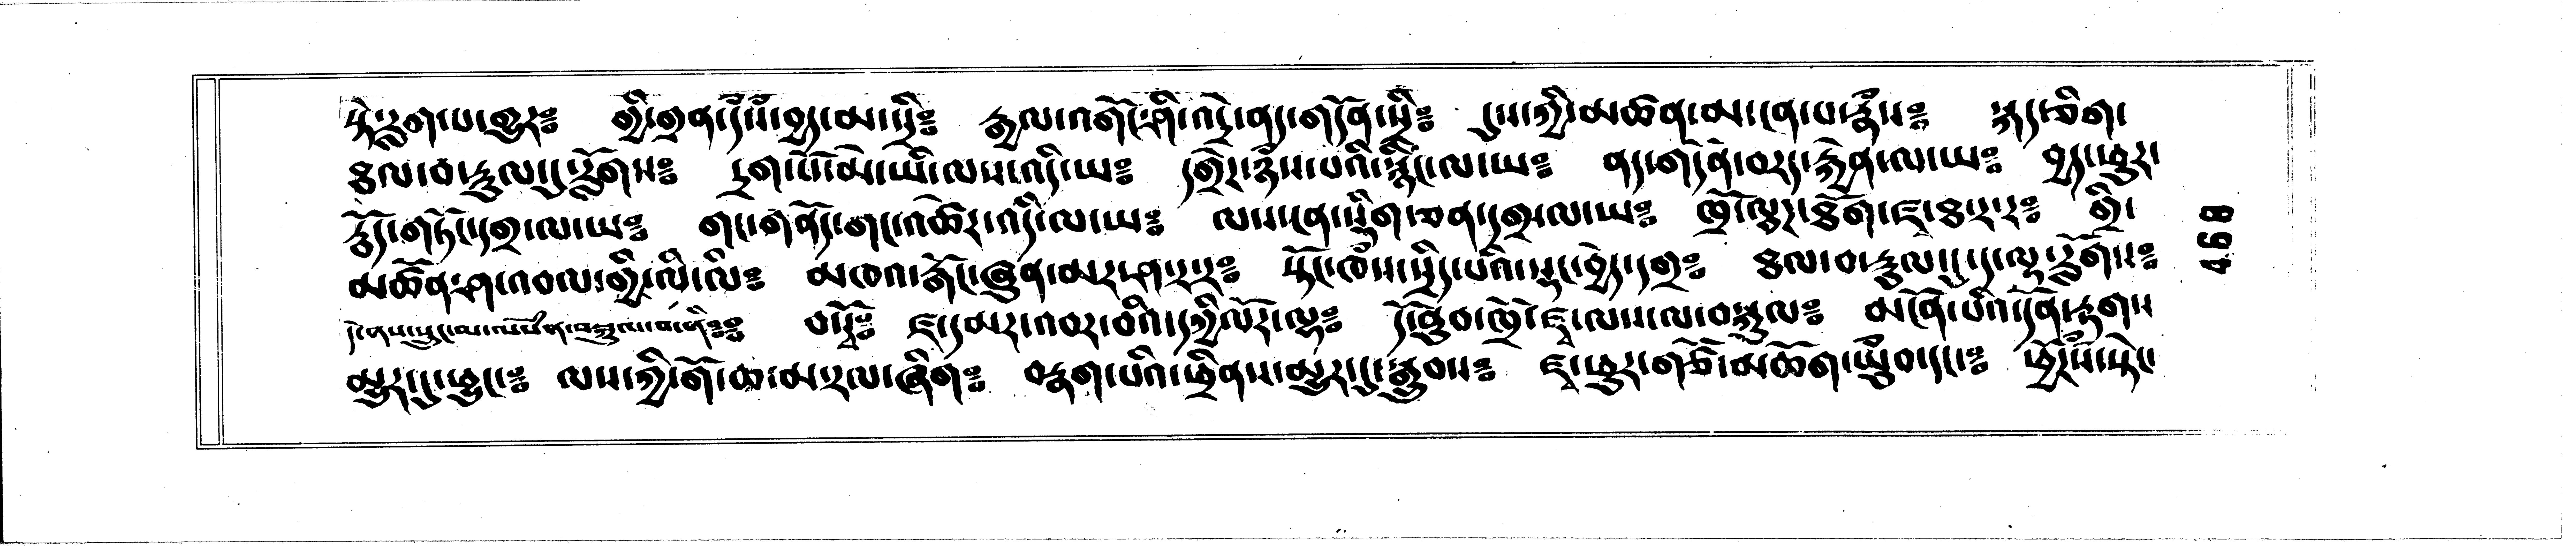སྟེ་བརླག་པར་གྱུར༔གྱི་གྲན་དམ་ཉམས་བྱད་མ་སྲི༔རྒྱལ་འགོང་ཤི་འདྲེ་ནད་གདོན་སྲི༔དུས་ཀྱི་མཚན་མ་ངན་པ་རྣམས༔སྐད་ཅིག་
ཐལ་བ་རྡུལ་དུ་རློགས༔དྲག་པོ་མེ་ཡི་ལས་འདི་ཡ༔དགྲེགས་ཉམས་པའི་སྙིང་ལ་ཡ༔ནད་གདོན་བར་ཆད་རྐྱེན་ལ་ཡ༔བྱད་ཕུར་
སྦོད་གཏོང་དགྲ་ལ་ཡ༔གང་གནོད་གང་འཚེར་འདི་ལ་ཡ༔ལས་ངན་སྡིག་ཅན་དགྲ་ལ་ཡ༔ཁྲོ་ལྕགས་ཐོག་ཛྭ་ཐ་ར་ར༔གྲི་
མཚོན་ཤ་འབལ་གྱི་ལི་ལི༔མཁའ་སྒོང་ཞུན་མར་ཤ་ར་ར༔སྟོང་ཁམས་སྲིད་པའི་སྡང་བྱེད་དགྲ༔ཐལ་བ་རྡུལ་དུ་ད་ལྟ་རློགས༔
དེ་ནས་སྲུང་མ་ལས་མཁན་བསྐུལ་པ་ནི༔བསྭོ༔ཛྭ་དམར་འབར་བའི་དཀྱིལ་འཁོར་ལྷ༔དོ་ནུབ་ཁྲོ་ཛྭ་ལས་ལ་བསྐུལ༔མངོན་པའི་དོན་རྟགས་
མྱུར་དུ་ཕྱུང་༔ལས་ཀྱི་གོ་ཆ་མ་རལ་ཞིག༔བརྣག་པའི་ཕྲིན་ལས་མྱུར་དུ་སྒྲུབས༔ཛྭ་ཕུར་གཙོ་མཆོག་ཡབ་ཡུམ་དང་༔ཕྱོགས་མཚམས་སྟེང་